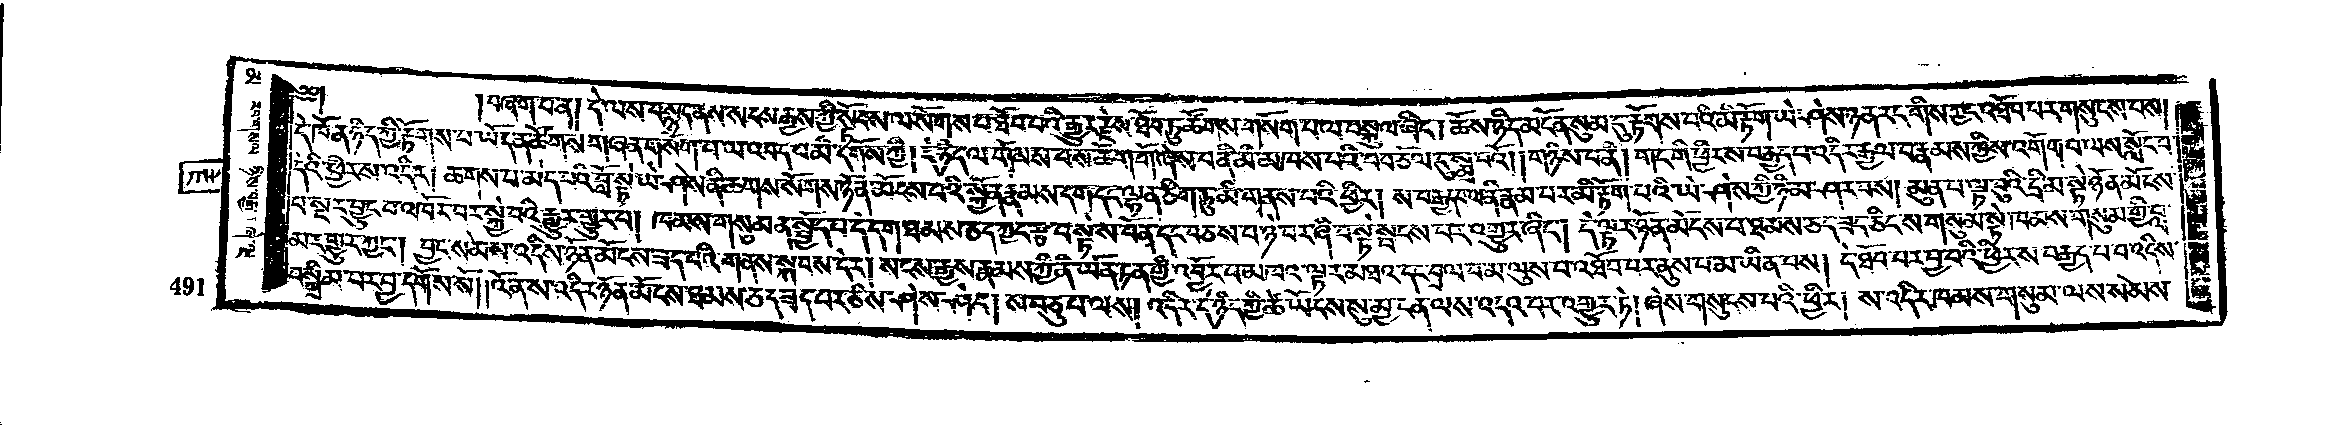༄༅། །བཞག་པ་ན། དེ་ལས་བསླངས་ནས་སངས་རྒྱས་ཀྱི་སྟོབས་ལ་སོགས་པ་ཐོབ་པའི་རྒྱུར་རྗེས་ཐོབ་ཏུ་ཚོགས་གསོག་པ་ལ་བསྐུལ་ཞིང་། ཆོས་ཉིད་མངོན་སུམ་དུ་རྟོགས་པའི་མི་རྟོག་ཡེ་ཤེས་ཉན་རང་གིས་ཀྱང་འཐོབ་པར་གསུངས་པས།
དེ་ཁོ་ན་ཉིད་ཀྱི་རྟོགས་པ་ཡོད་ན་ཚོགས་གཞན་གསོག་པ་ལ་འབད་པ་མི་དགོས་ཀྱི། དེ་ཉིད་ལ་གོམས་པས་ཆོག་གོ་ཞེས་པ་ནི་མི་མཁས་པའི་བབ་ཅོལ་དུ་སྨྲ་བའོ། གཉིས་པ་ནི། གང་གི་ཕྱིར་ས་བརྒྱད་པ་འདིར་རྒྱལ་བ་རྣམས་ཀྱིས་འགོག་པ་ལས་སློང་བ་
དེའི་ཕྱིར་ས་འདིར། ཆགས་པ་མེད་པའི་བློ་སྟེ་ཡེ་ཤེས་ནི་ཆགས་སོགས་ཉོན་མོངས་པའི་སྐྱོན་རྣམས་དག་དང་ལྷན་ཅིག་ཏུ་མི་གནས་པའི་ཕྱིར། ས་བརྒྱད་པ་ལ་ནི་རྣམ་པར་མི་རྟོག་པའི་ཡེ་ཤེས་ཀྱི་ཉི་མ་ཤར་བས། མུན་པ་ལྟ་བུའི་དྲི་མ་སྟེ་ཉོན་མོངས་
པ་སྔར་བྱུང་བ་འཁོར་བར་སྐྱེ་བའི་རྒྱུར་གྱུར་བ། ཁམས་གསུམ་ན་སྤྱོད་པ་དེ་དག་ཐམས་ཅད་ཀྱང་རྩ་བ་སྟེ་ས་བོན་དང་བཅས་པ་ཉེ་བར་ཞི་བ་སྟེ་སྤངས་པར་འགྱུར་ཞིང་། དེ་ལྟར་ཉོན་མོངས་པ་ཐམས་ཅད་ཟད་ཅིང་ས་གསུམ་སྟེ་ཁམས་གསུམ་གྱི་བླ་
མར་གྱུར་ཀྱང་། བྱང་སེམས་འདིས་ཉོན་མོངས་ཟད་པའི་གནས་སྐབས་དེར། སངས་རྒྱས་རྣམས་ཀྱི་ནི་ཡོན་ཏན་གྱི་འབྱོར་བ་མཁའ་ལྟར་མཐའ་དང་བྲལ་བ་མ་ལུས་པ་འཐོབ་པར་ནུས་པ་མ་ཡིན་པས། དེ་ཐོབ་པར་བྱ་བའི་ཕྱིར་ས་བརྒྱད་པ་བ་འདིས་
བསྒྲིམ་པར་བྱ་དགོས་སོ། །འོ་ན་ས་འདིར་ཉོན་མོངས་ཐམས་ཅད་ཟད་པར་ཅིས་ཤེས་ཤེ་ན། ས་བཅུ་པ་ལས། འདིར་དེ་ཉིད་ཀྱི་ཚེ་ཡོངས་སུ་མྱ་ངན་ལས་འདའ་བར་འགྱུར་ཏེ། ཞེས་གསུངས་པའི་ཕྱིར། ས་འདིར་ཁམས་གསུམ་ལས་སེམས་